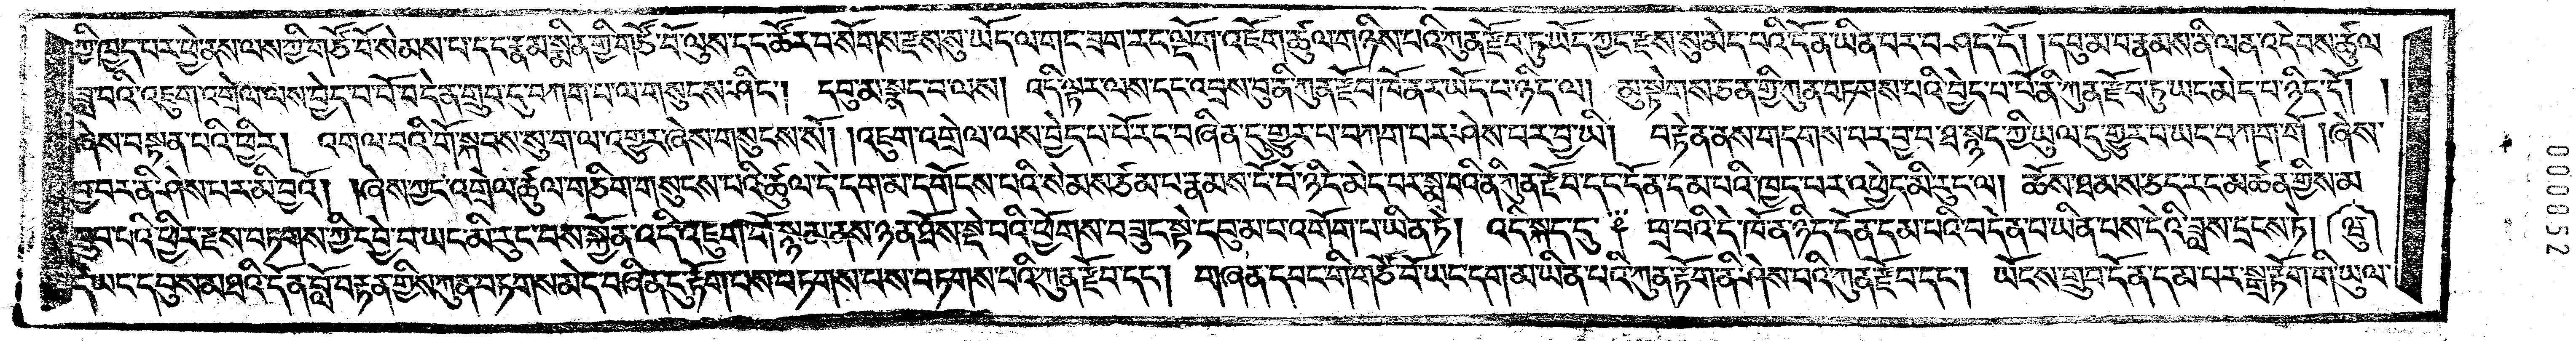ཀྱི་ཁྱད་པར་ཕྱེ་ནས་ལས་ཀྱི་གཙོ་བོ་སེམས་པ་དང་རྣམ་སྨིན་གྱི་གཙོ་བོ་ལུས་དང་ཚོར་བ་སོགས་རྫས་སུ་ཡོད་ལ་གང་ཟག་རང་ལྡོག་འཇོག་ཚུལ་གཉིས་པའི་ཀུན་རྫོབ་ཏུ་ཡོད་ཀྱང་རྫས་སུ་མེད་པའི་དོན་ཡིན་པར་བཤད་དོ། །དབུ་མ་པ་རྣམས་ནི་ལན་འདེབས་ཚུལ་
ཟླ་བའི་འཇུག་འགྲེལ་ལས་བྱེད་པ་པོ་བདེན་གྲུབ་ཏུ་བཀག་པ་ལ་གསུངས་ཤིང་། དབུ་མ་སྣང་བ་ལས། འདི་ལྟར་ལས་དང་འབྲས་བུ་ནི་ཀུན་རྫོབ་ཁོ་ནར་ཡོད་པ་ཉིད་ལ། མུ་སྟེགས་ཅན་གྱི་ཀུན་བཏགས་པའི་བྱེད་པ་པོ་ནི་ཀུན་རྫོབ་ཏུ་ཡང་མེད་པ་ཉིད་དོ། །
ཞེས་བསྟན་པའི་ཕྱིར། འགལ་བའི་གོ་སྐབས་སུ་ག་ལ་འགྱུར་ཞེས་གསུངས་སོ། །འཇུག་འགྲེལ་ལས་བྱེད་པ་པོ་རང་བཞིན་དུ་གྱུར་པ་བཀག་པར་ཤེས་པར་བྱ་ཡི། བརྟེན་ནས་གདགས་པར་བྱ་བ་ཐ་སྙད་ཀྱི་ཡུལ་དུ་གྱུར་བ་ཡང་བཀག་གོ །ཞེས་
བྱ་བར་ནི་ཤེས་པར་མི་བྱའོ། །ཞེས་ཀྱང་འགྲེལ་ཚུལ་གཅིག་གསུངས་པའི་ཚུལ་དེ་དག་མ་དགོངས་པའི་སེམས་ཙམ་པ་རྣམས་ངོ་བོ་ཉིད་མེད་པར་སྨྲ་བའི་ནི་ཀུན་རྫོབ་དང་དོན་དམ་པའི་ཁྱད་པར་འཕྱེད་མི་རུང་ལ། ཆོས་ཐམས་ཅད་རང་མཚན་གྱིས་མ་
གྲུབ་པའི་ཕྱིར་རྫས་བཏགས་ཀྱི་དབྱེ་བ་ཡང་མི་རུང་བས་སྐྱོན་འདི་འཇུག་གོ་སྙམ་ནས་ཉན་ཐོས་སྡེ་པའི་ཕྱོགས་བཟུང་སྟེ་དབུ་མ་པ་འགོག་པ་ཡིན་ཏེ། འདི་སྐད་དུ་༈ ཕྲ་བའི་དེ་ཁོ་ན་ཉིད་དོན་དམ་པའི་བདེན་པ་ཡིན་པས་དེའི་ཟླས་དྲངས་ཏེ། ༼ཝུ༽
དེ་ཡང་དབུས་མཐའི་དོན་བློ་བརྟན་གྱིས་ཀུན་བཏགས་མེད་བཞིན་དུ་རྟོག་པས་བཏགས་པས་བཏགས་པའི་ཀུན་རྫོབ་དང་། གཞན་དབང་གི་གཙོ་བོ་ཡང་དག་མ་ཡིན་པའི་ཀུན་རྟོག་ནི་ཤེས་པའི་ཀུན་རྫོབ་དང་། ཡོངས་གྲུབ་དོན་དམ་པར་སྒྲ་རྟོག་གི་ཡུལ་